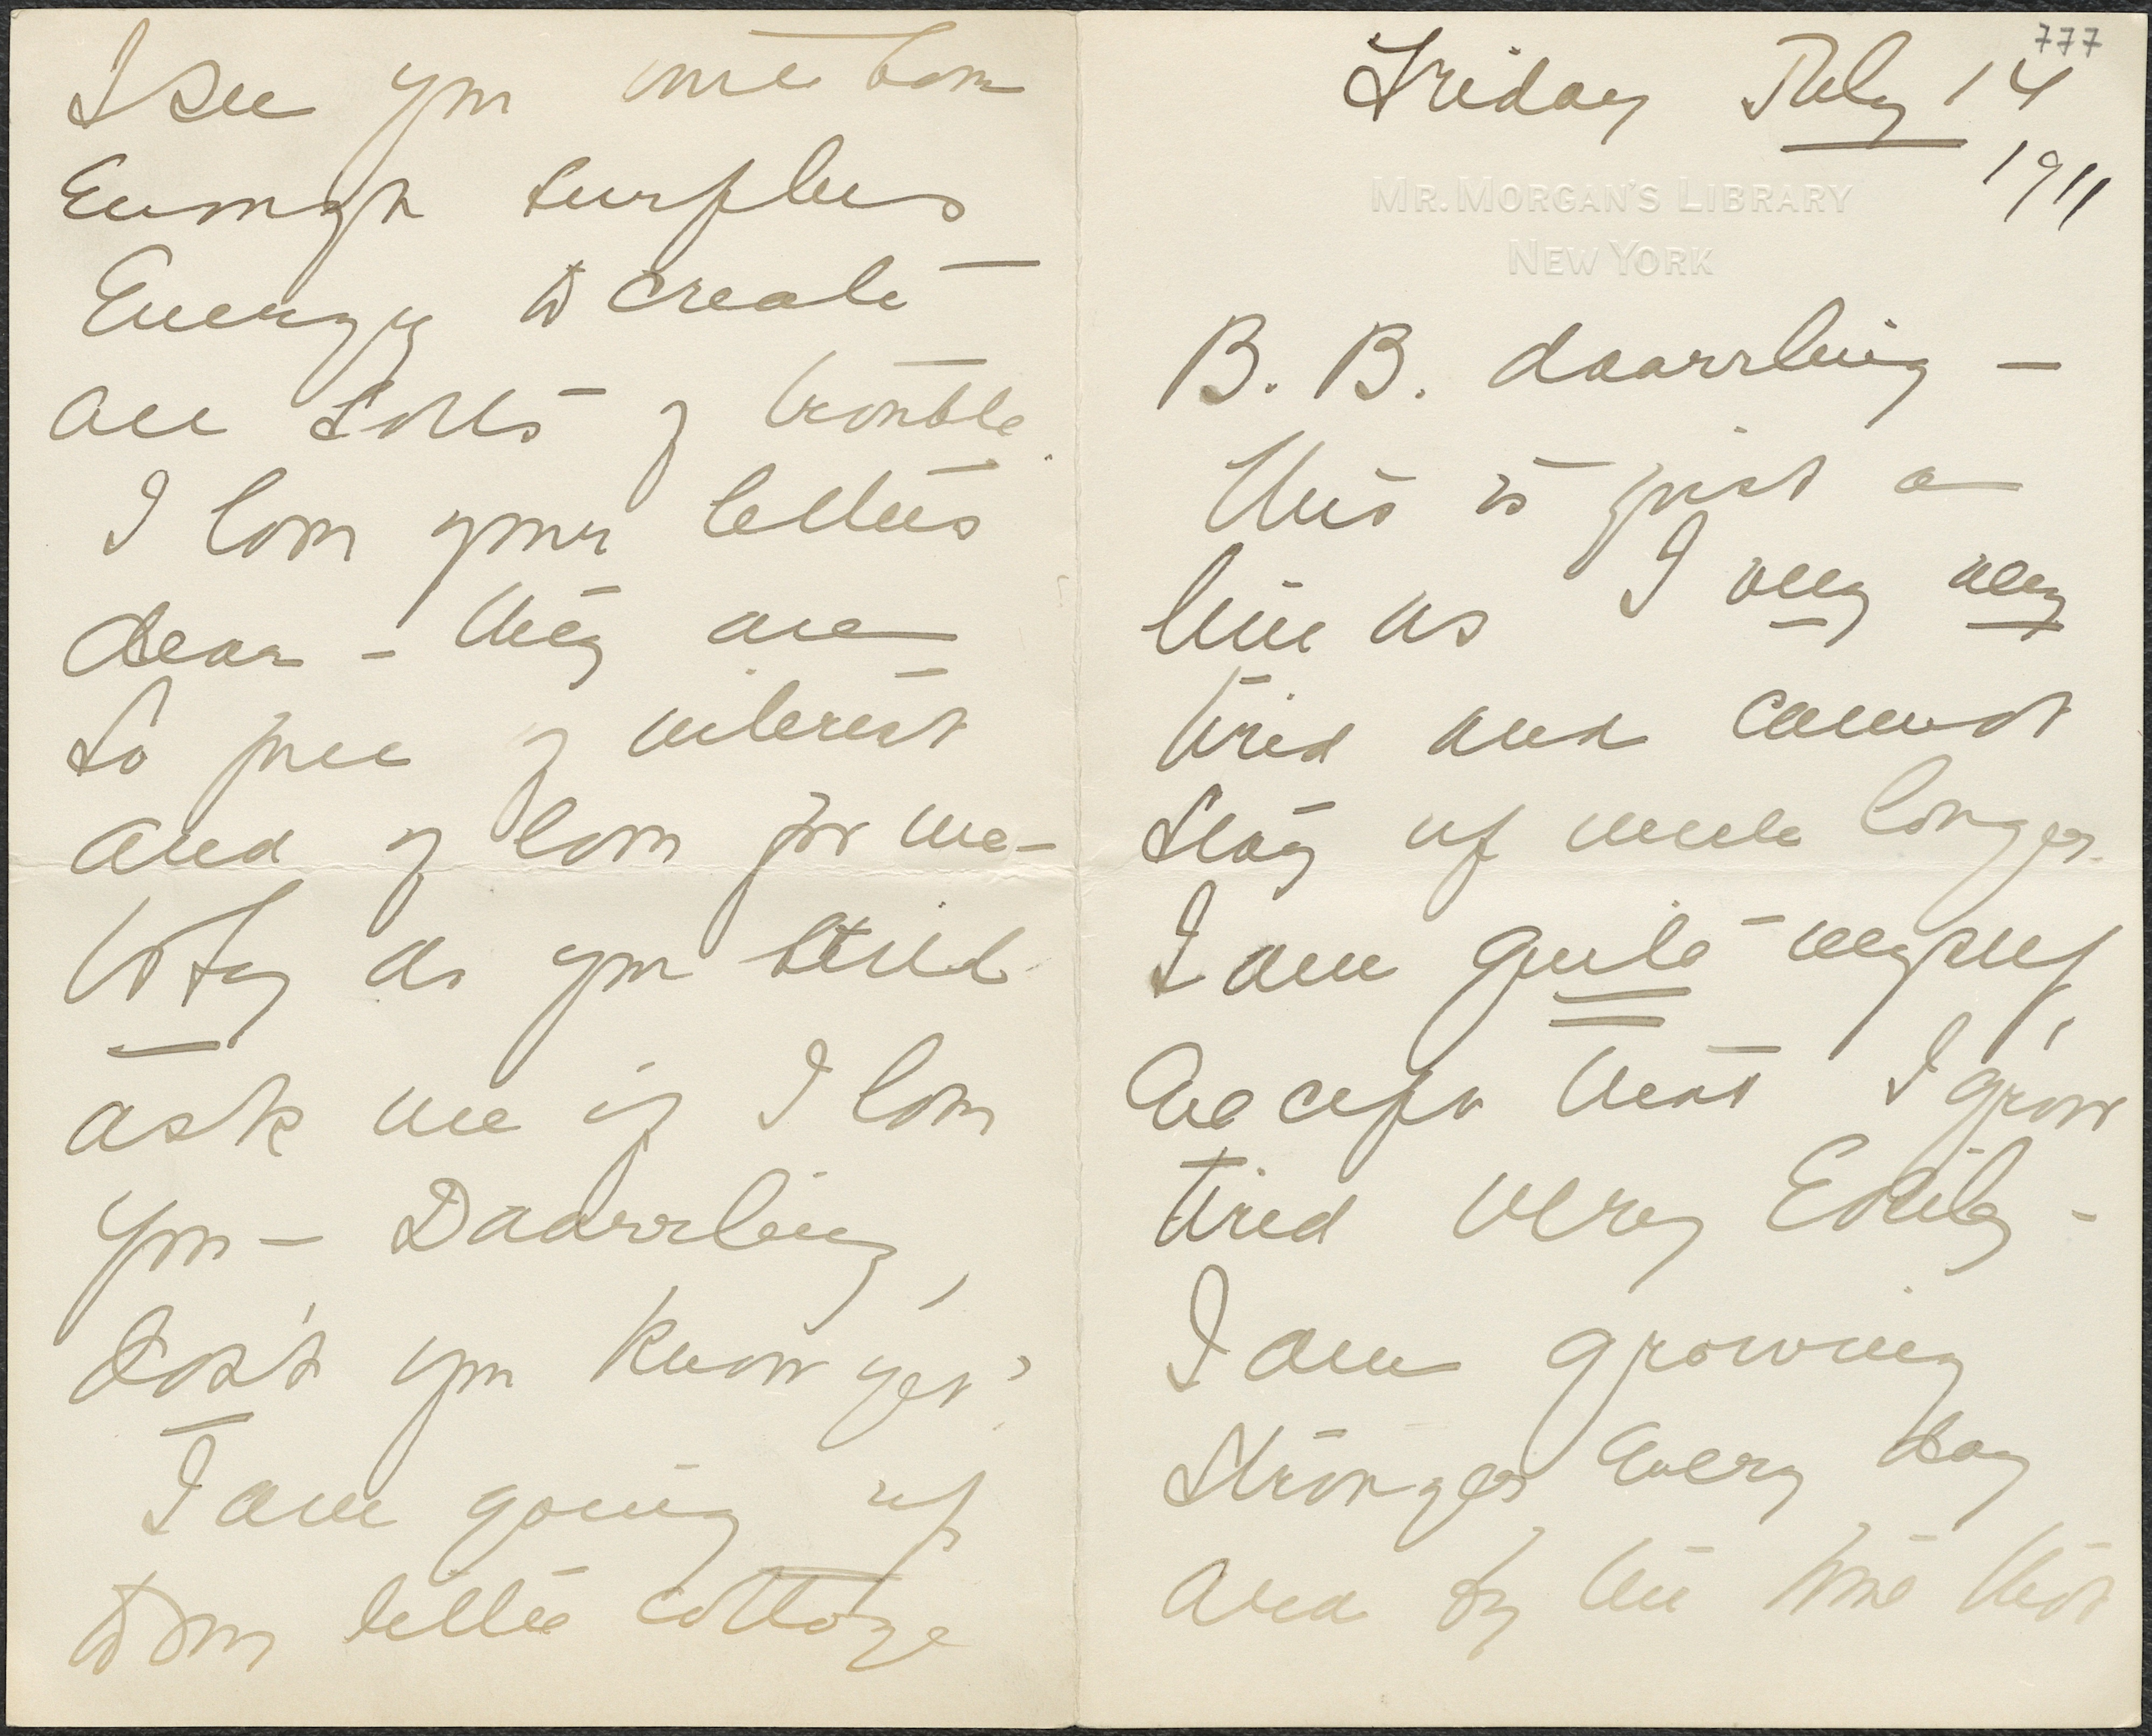Friday July 14
B. B. daarrling –
This is just a line as I [sic] very very tired and cannot stay up much longer. I am [double underlined: quite] myself, except that I grow tired very easily – I am growing stronger every day and by the time that
I see you will have enough surplus energy to create all sorts of trouble.
I love your letters dear – they are so full of interest and love for me – Why do you still ask me if I love you – Daarrling, don’t you know yet?
I am going up to the little cottage